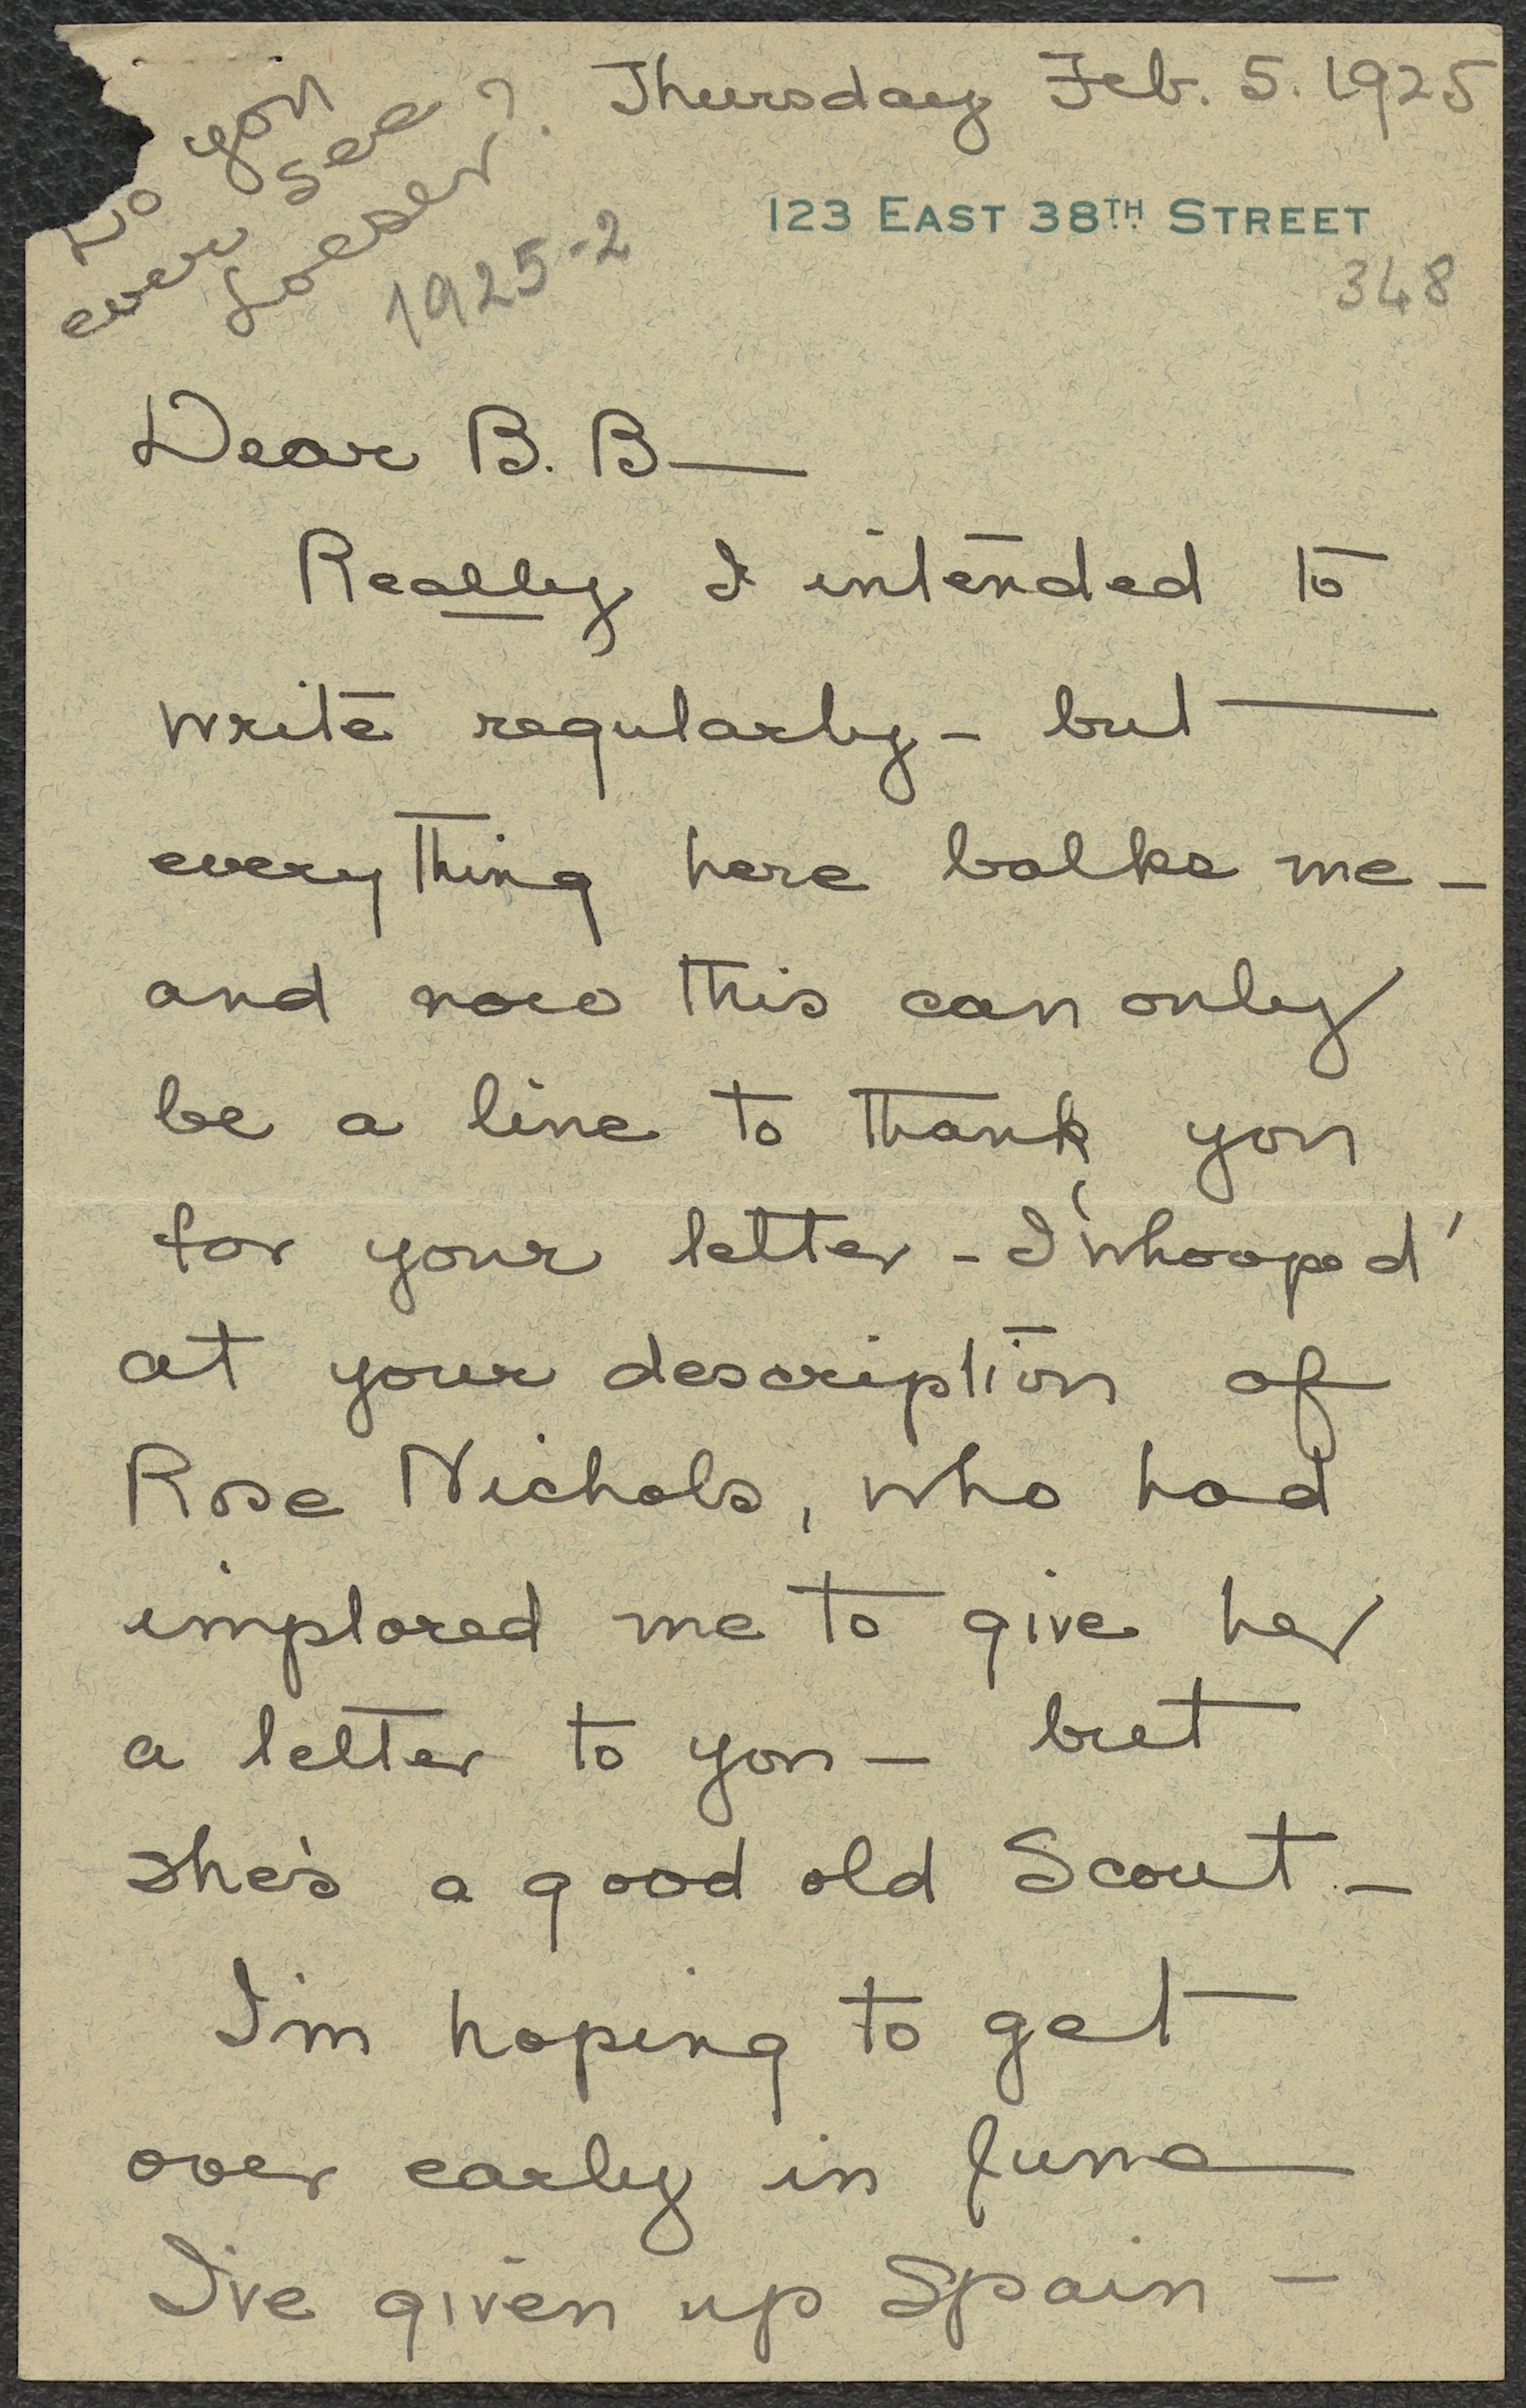Thursday Feb. 5, 1925
[In top left corner: Do you ever see Loeser?]
Dearest B.B. –
Really I intended to write you regularly – but – everything here balks me – and now this can only be a line to thank you for your letter – I ‘whooped’ at your description of Rose Nichols, who had implored me to give her a letter to you – but she’s a good old Scout –
I’m hoping to get over early in June – I’ve given up Spain –